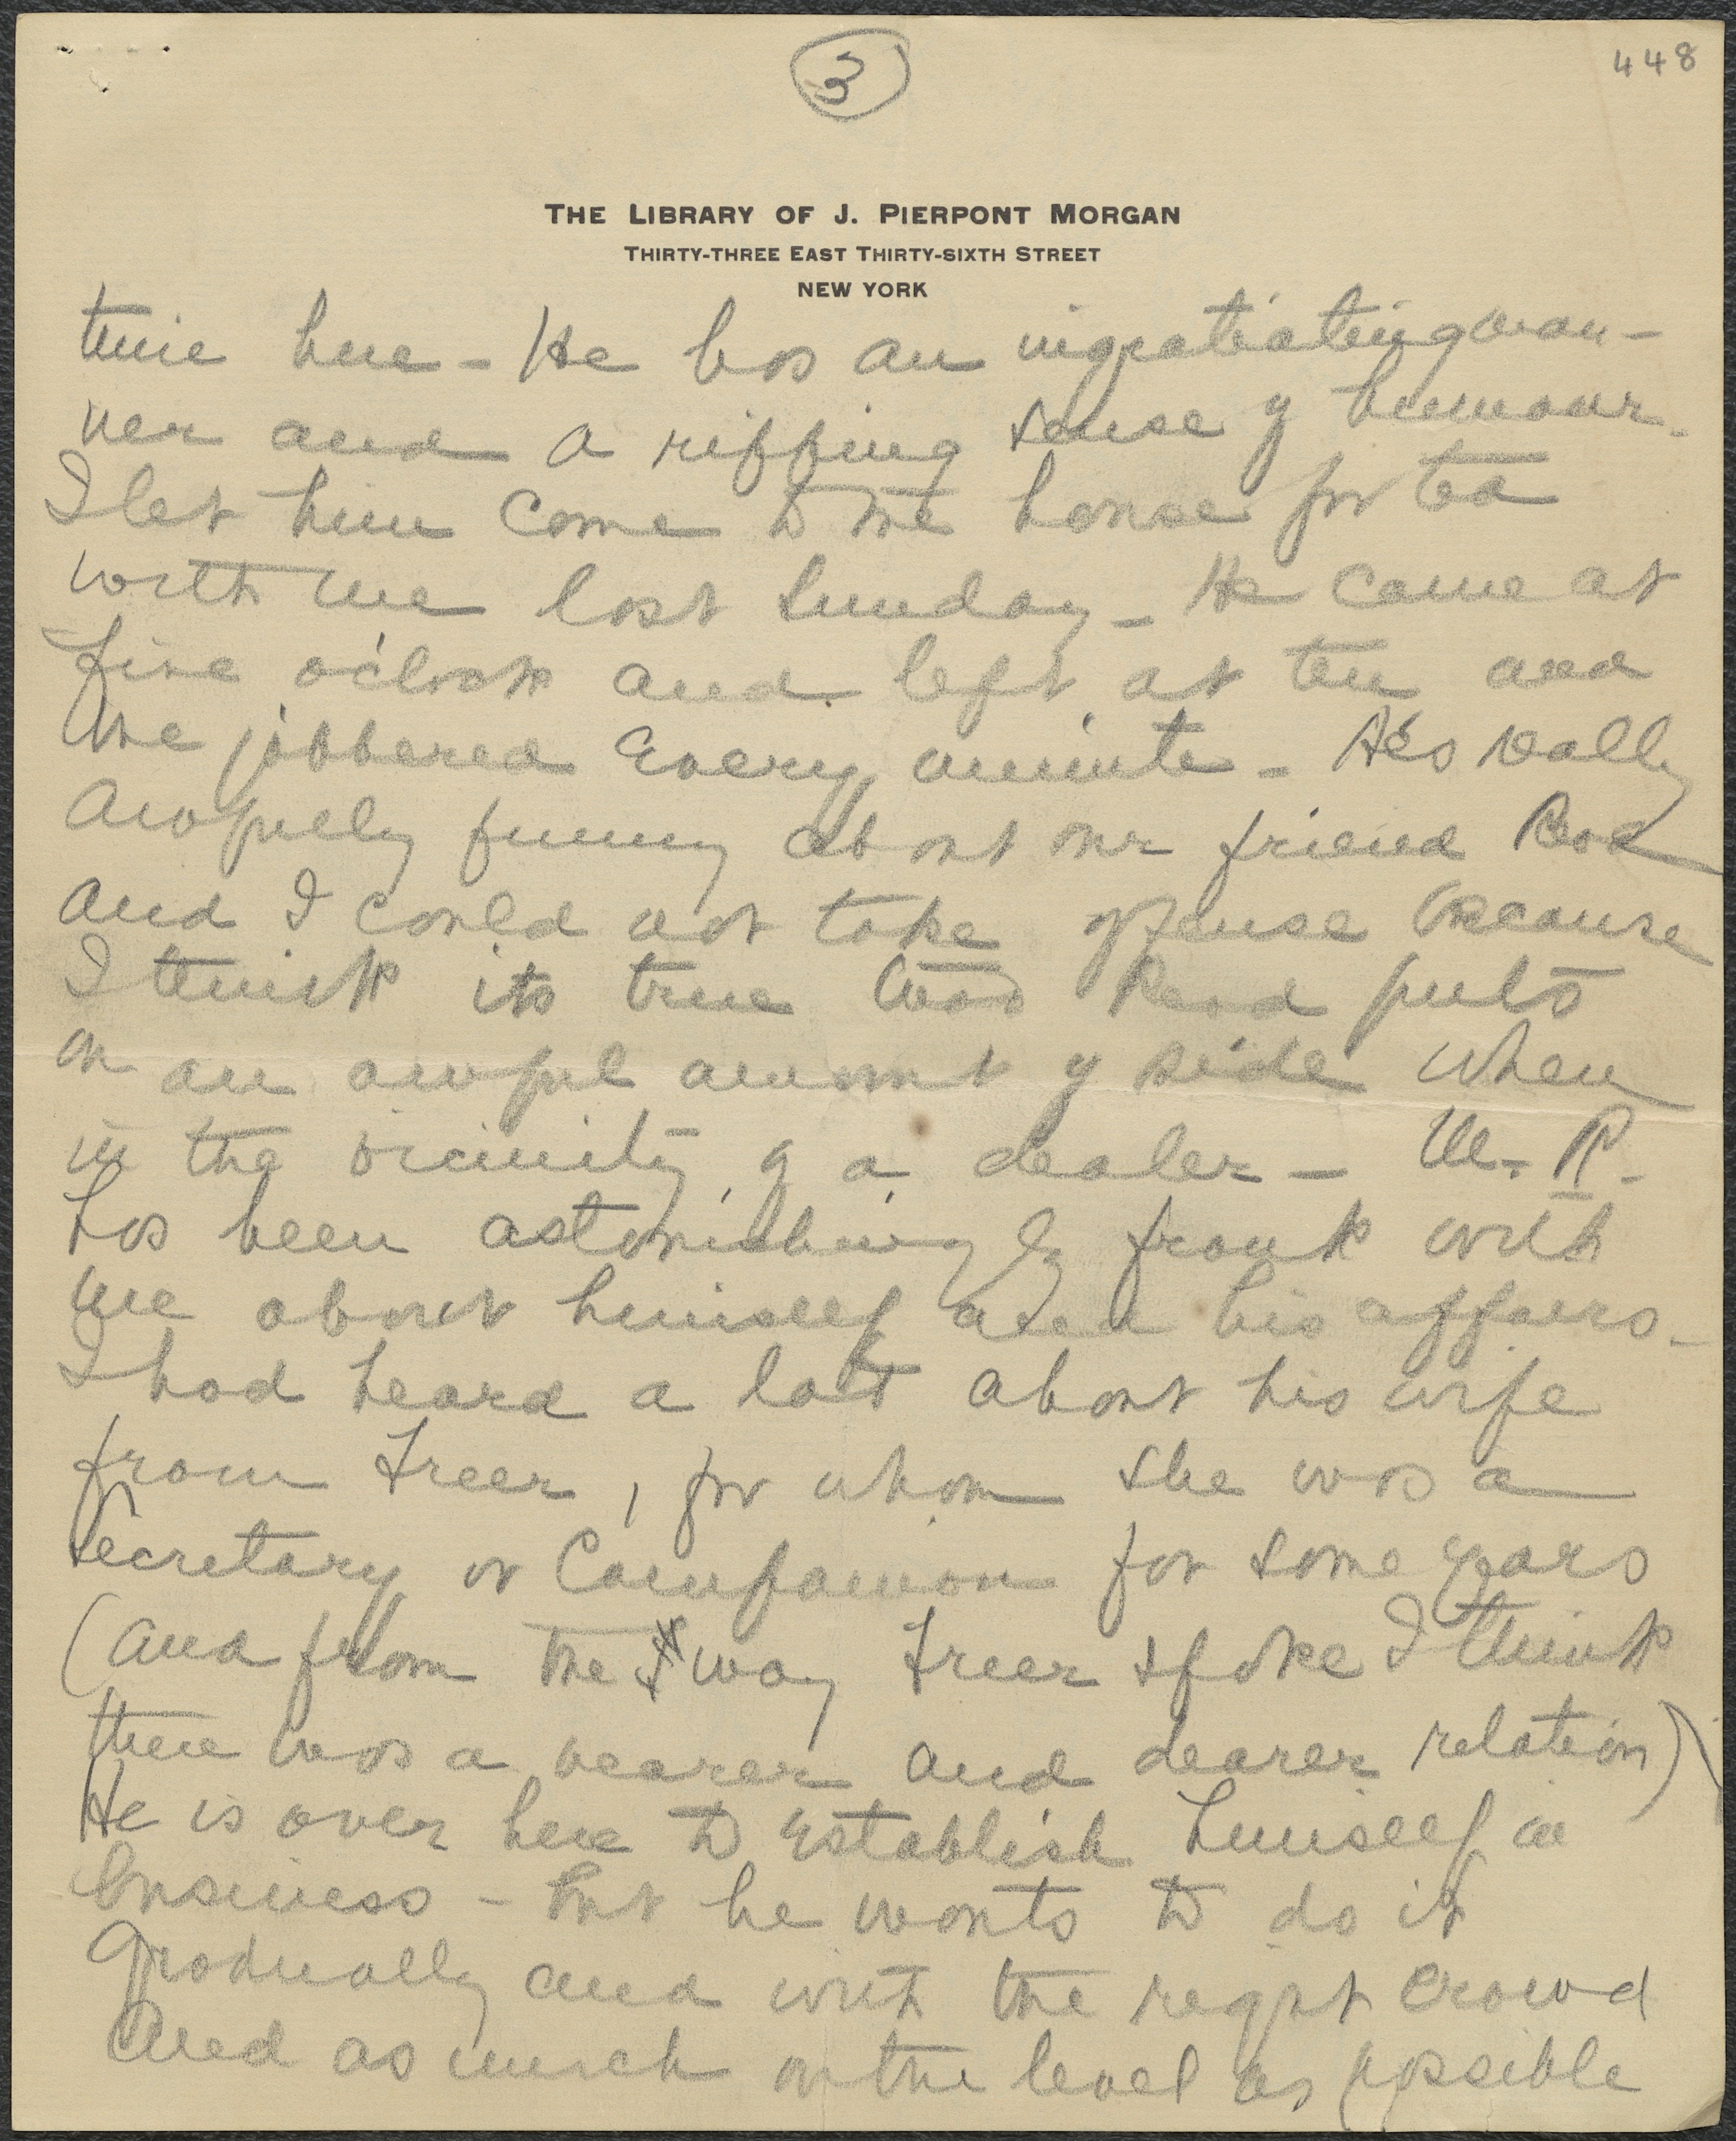time here – He has an ingratiating manner and a ripping sense of humour. I let him come to the house for tea with me last Sunday – He came at five o’clock and left at ten and he jabbered every minute – He’s really awfully funny about our friend Read and I could not take offense because I think its [sic] true that Read puts in an awful amount of side when in the vicinity of a dealer – M. R. has been astonishingly frank with me about himself and his affairs – I had heard a lot about his wife from Freer, for whom she was a secretary or companion for some years (and from the way Freer spoke I think there was a nearer and dearer relation) He is over here to establish himself in business – but he wants to do it gradually and with the right crowd and as much on the level as possible